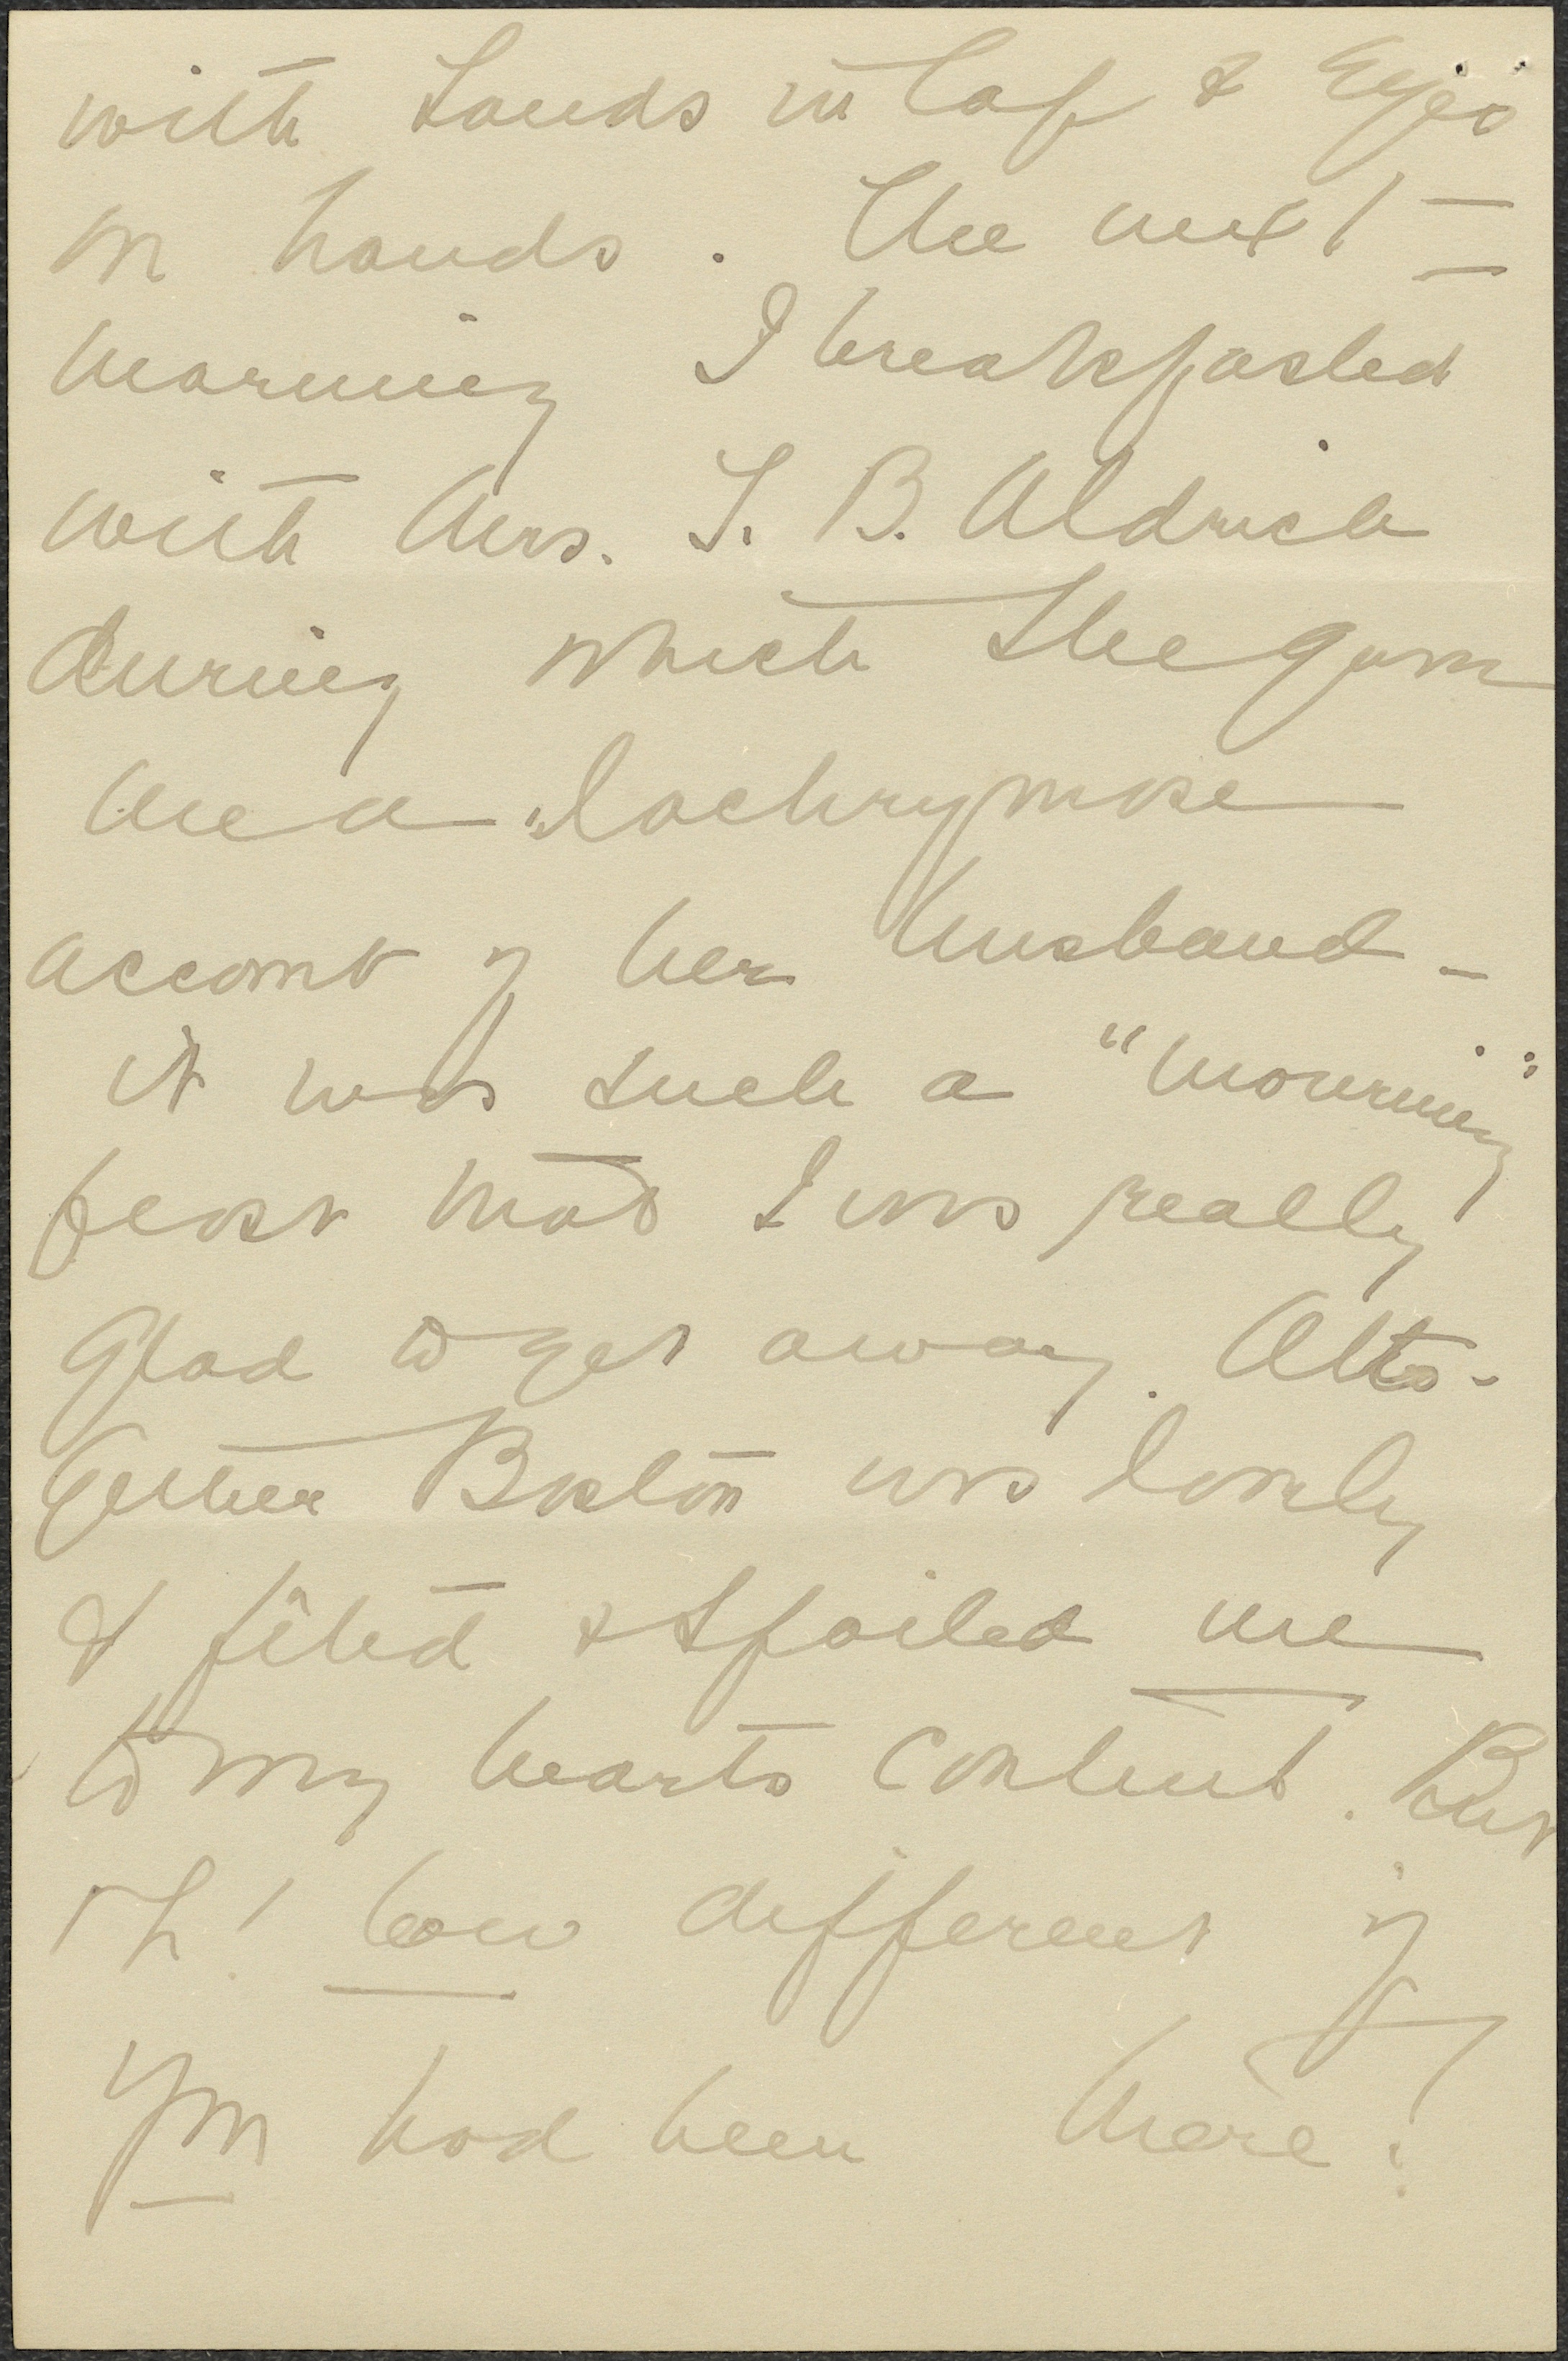with hands in lap & eyes on hands. The next morning I breakfasted with Mrs. T. B. Aldrich during which she gave me a lachrymose account of her husband – it was such a “mourning” feast that I was really glad to get way. Altogether Boston was lovely & fêted & spoiled me to my hearts content. But oh! how different if you had been there!